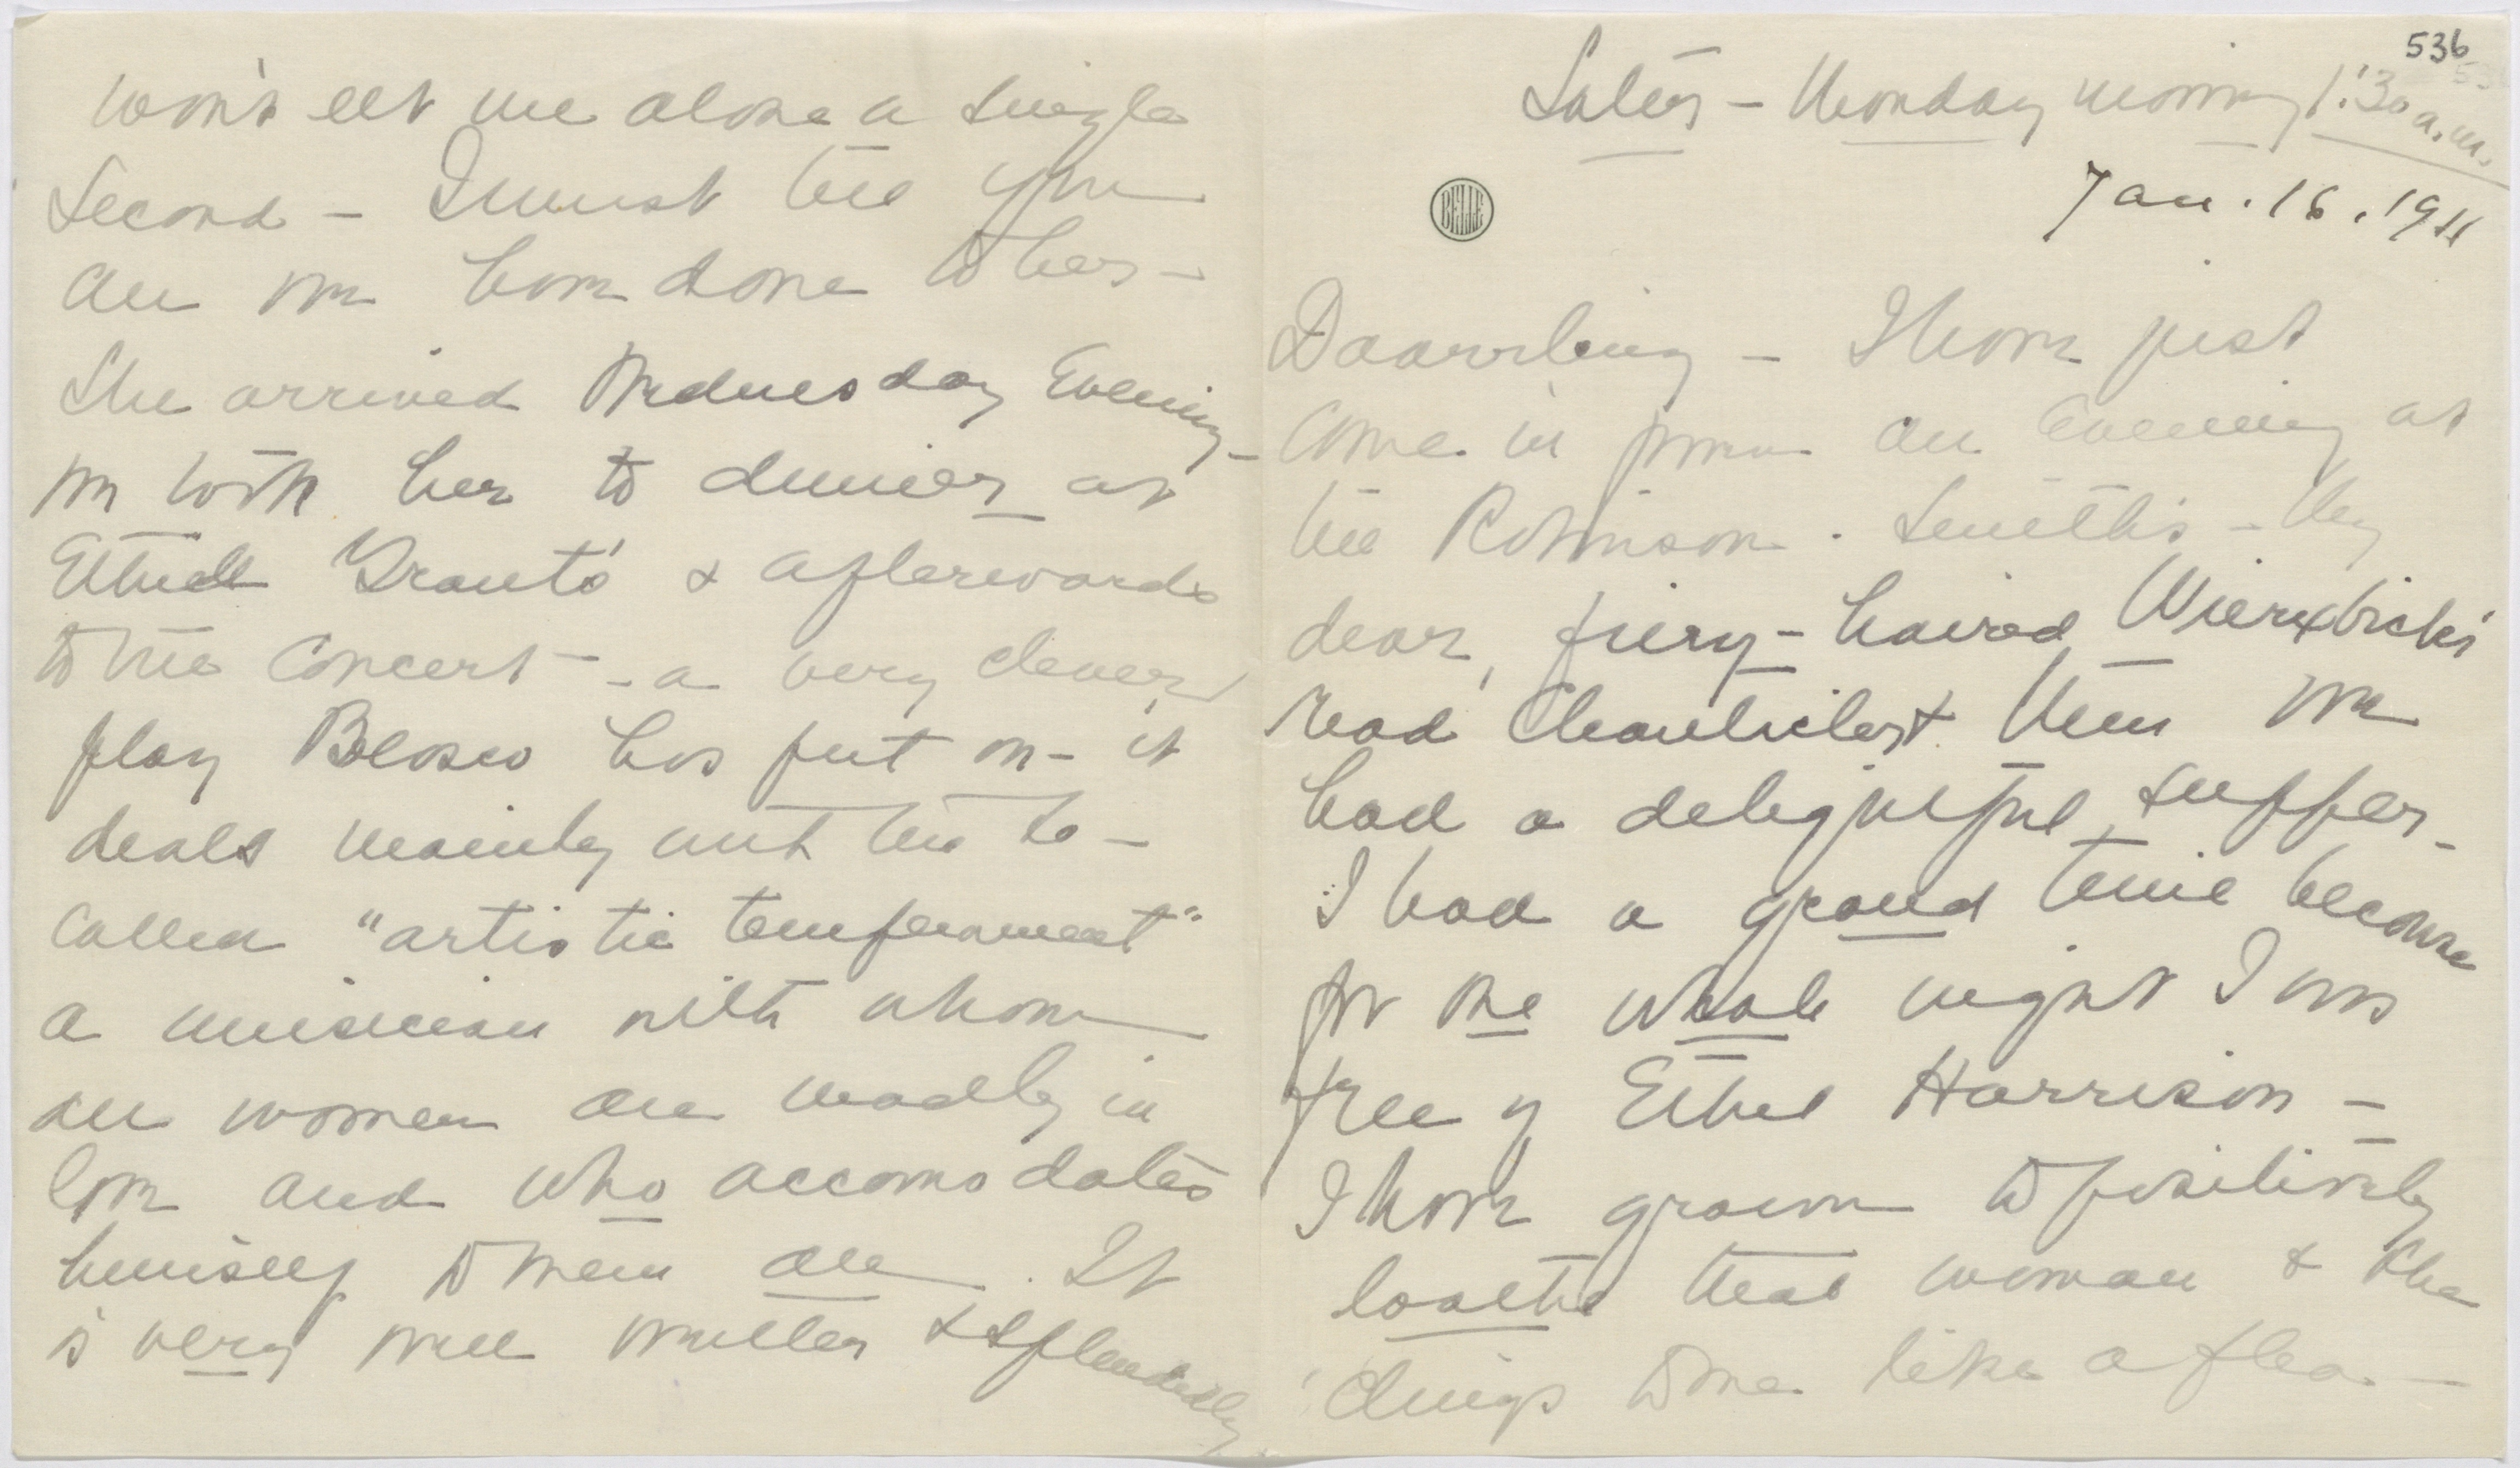Later – Monday morning 1:30 a.m.
Daarrling – I have just come in from an evening at the Robinson-Smith’s – My dear, fiery-haired Wierxbicki [sic] read Chanticler & then we had a delightful supper –
I had a grand time because for one whole night I was free of Ethel Harrison – I have grown to positively loathe that woman & she clings to me like a flea –
won’t let me alone a single second – I must tell you all we have done to her –
She arrived Wednesday evening – we took her to dinner at Ethel Grant’s & afterwards to the concert – a very clever play Belasco has put on – it dealt mainly with the so-called “artistic temperament” a musician with whom all women are madly in love and who accomodates [sic] himself to them all. It is very well written & splendidly